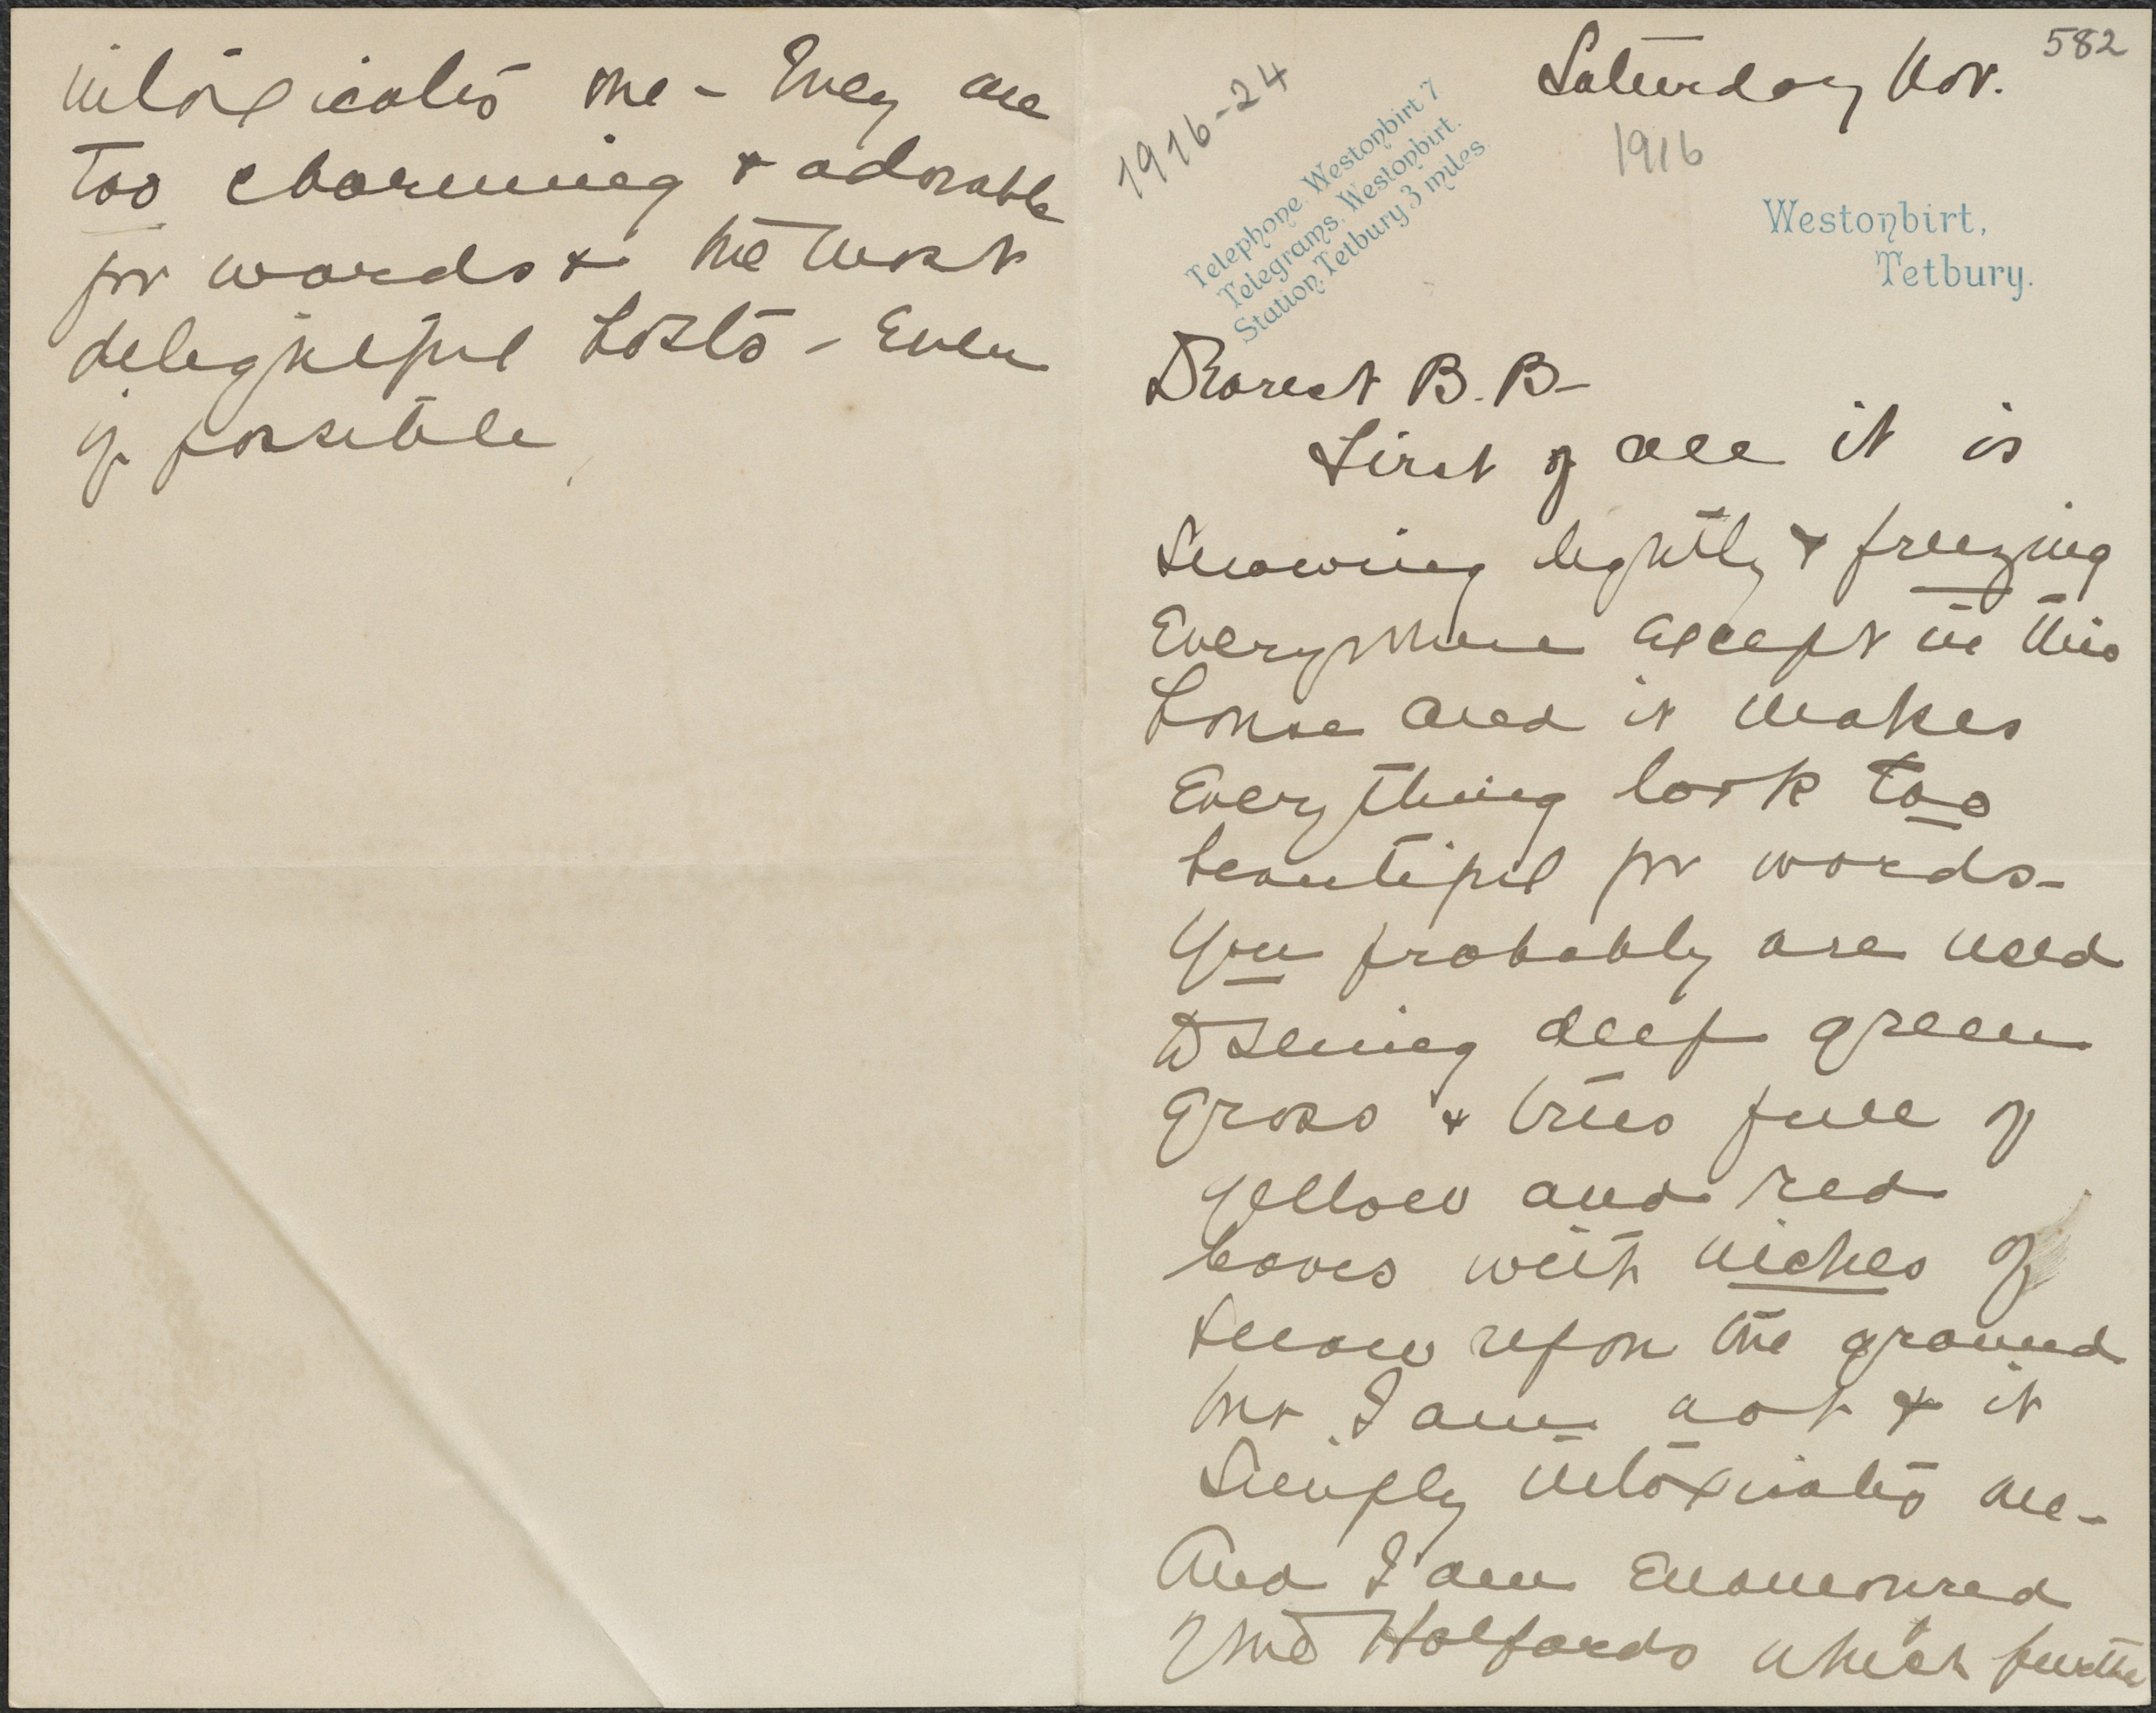Saturday Nov.
Dearest B.B –
First of all it is snowing lightly & freezing everymorn except in this house and it makes everything look too beautiful for words – You probably are used to seeing deep green grass & trees full of yellow and red leaves with niches of snow upon the ground but I am not & it simply intoxicates me – And I am enamoured of the Holfords which further
intoxicates me – They are too charming & adorable for words & the most delightful hosts – Even if possible